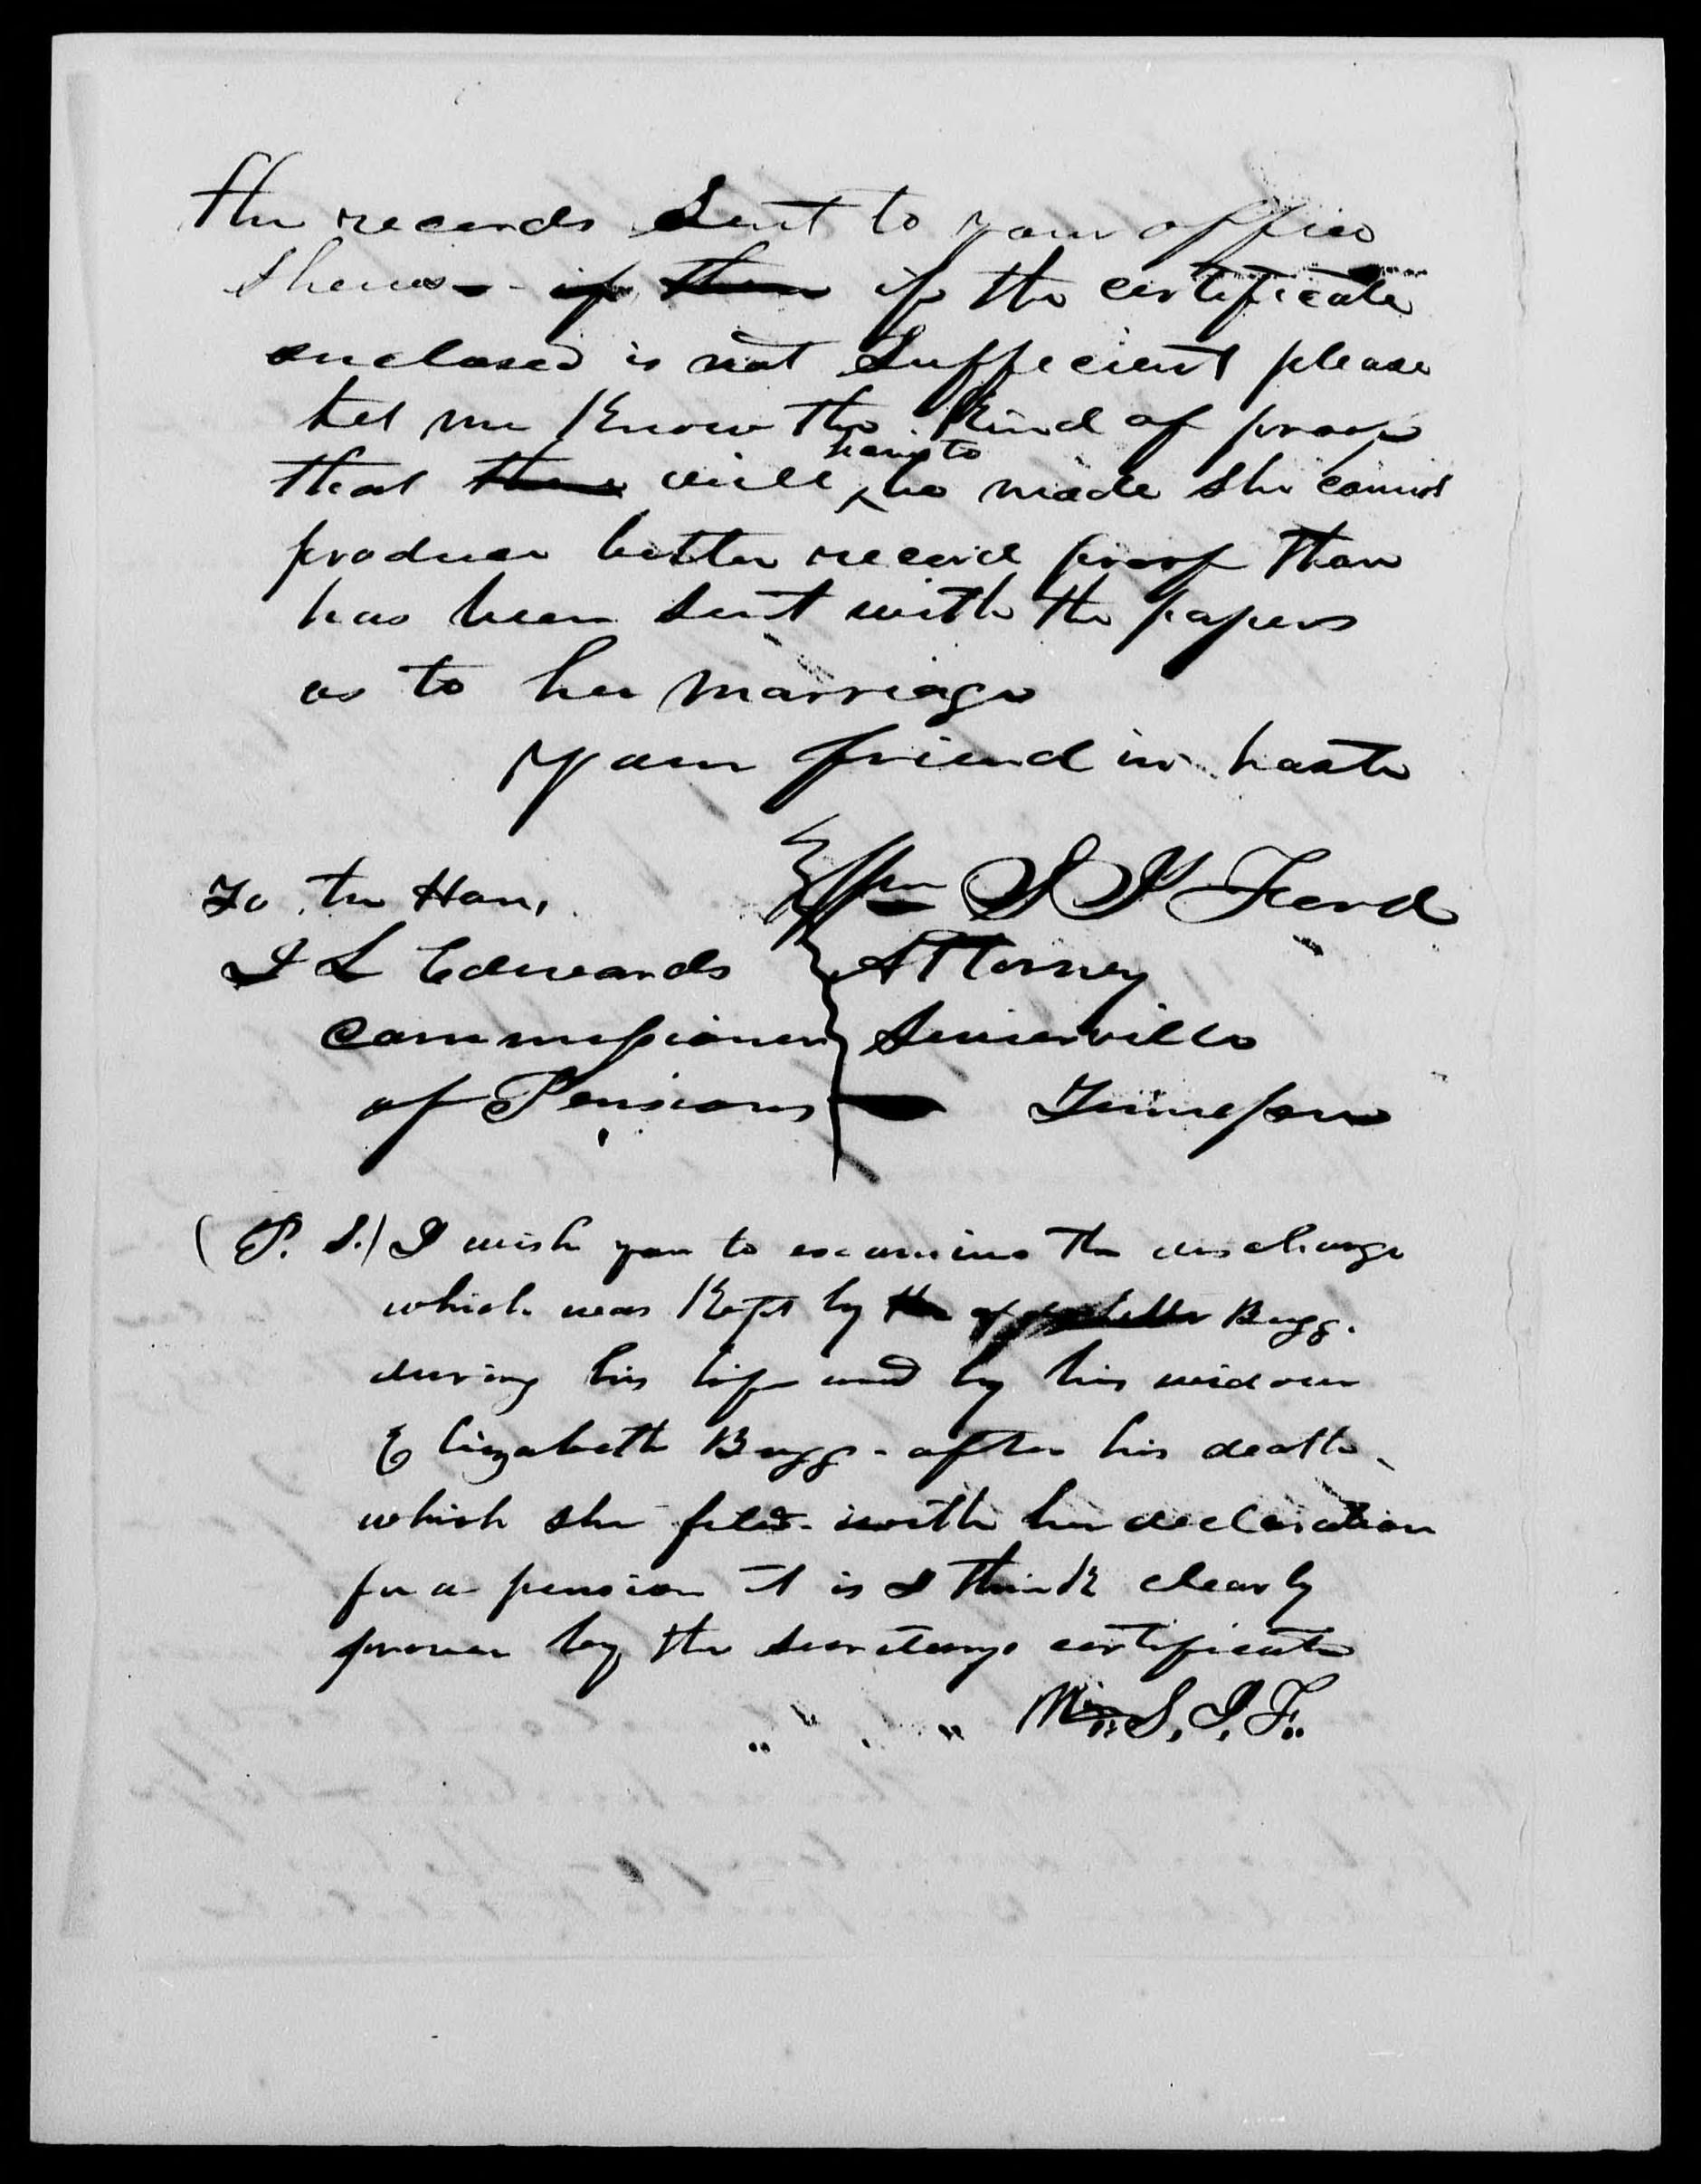the recerds Sent to your office Shews [here the words "if then" are crossed out] if the certificate enclosed is not Suffecient please let me Know the kind of proof that [here it looks as if the word "this" or "then" or "there" was crossed out] will have to be made  She cannot produce better recerd proof than has been Sent with the papers as to her marriage
Your friend in haste
Wm S J Ford
Atterney
Sevierville 
Tennessee

[To the left of Ford's name, title, city and state are:]  To the Hon, J L Edwards
Commissioner of Pensions]

(P.S.)  I wish you to examine the discharge which was Kept by [here at least two or three illegible words have been crossed out] Bugg. during his life and by his widow Elizabeth Bugg. after his death, which she filed. with her decleration for a pension  it is I think clearly proven by the Secretarys certificate
Wm. S. J. F.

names: Elizabeth Bugg, J L Edwards, Bugg, Wm S J Ford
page: 35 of 50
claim: widow's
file: W. 898, William Bugg, N.C.